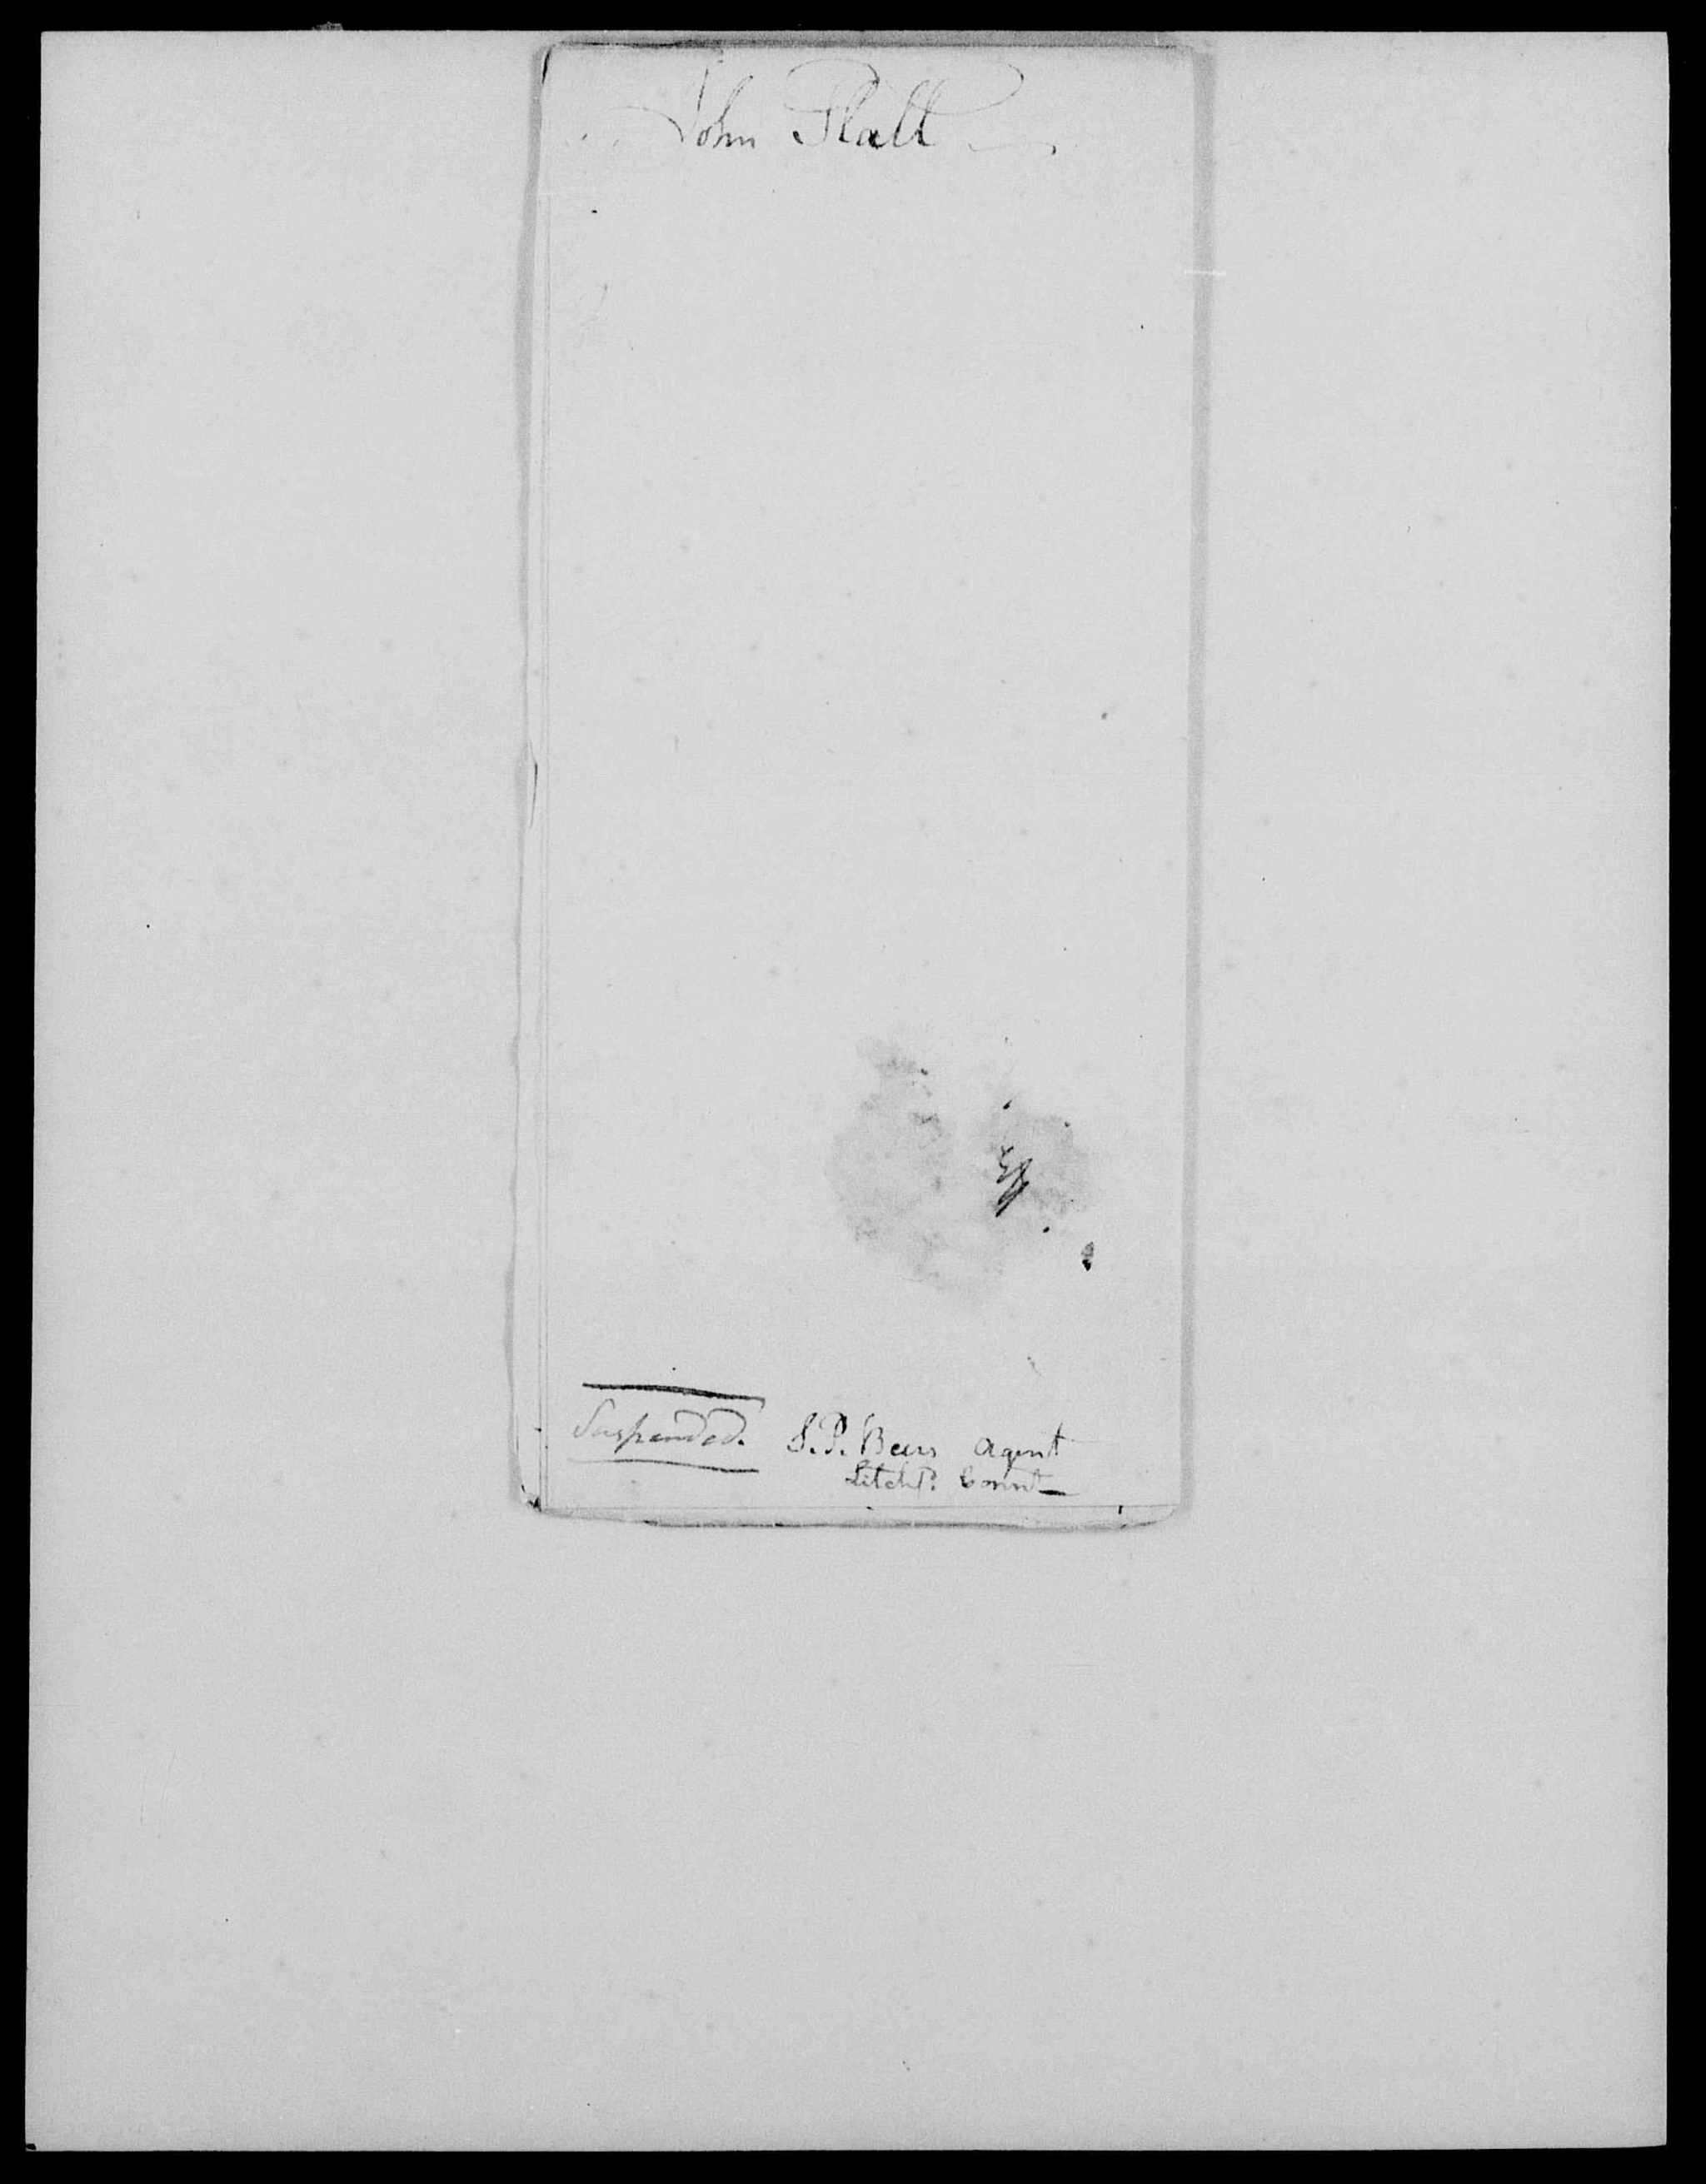John Platt
Suspended S.P Beers Agent
Litchd. Connt.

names: John Platt; S P Beers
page: 3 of 12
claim: survivor's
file: S. 36,233, for John Platt, Connecticut